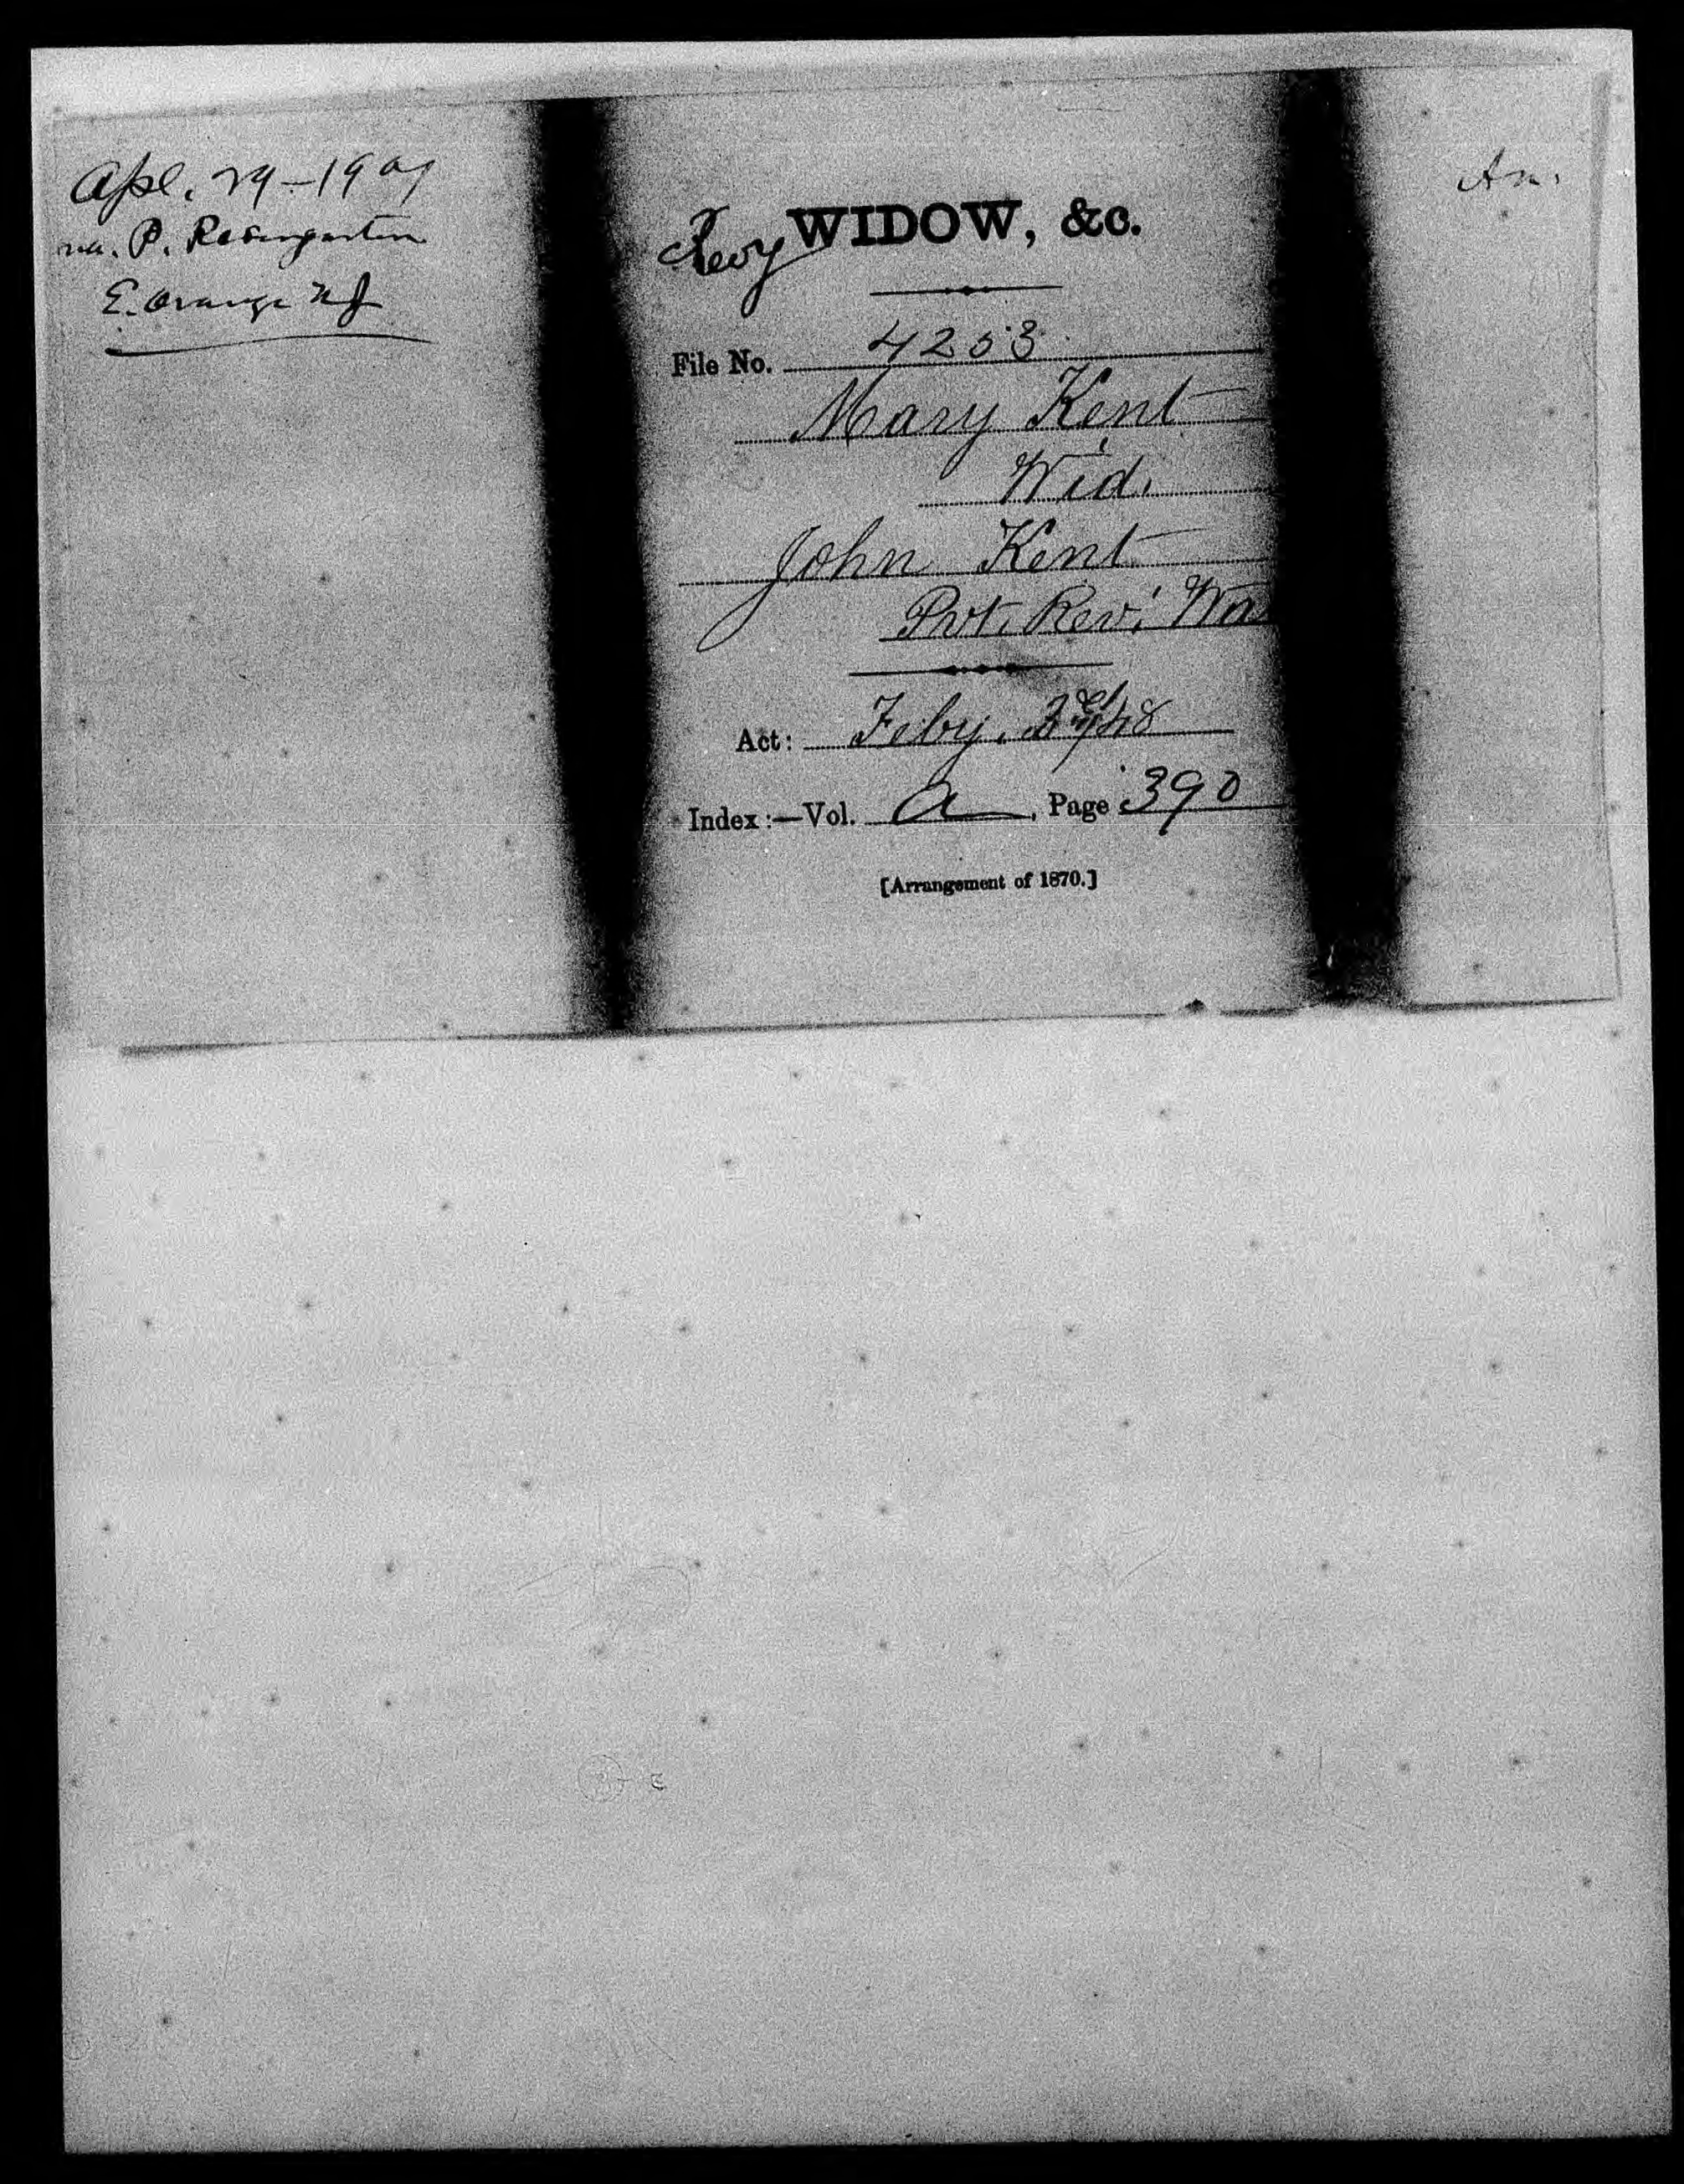apl. 29 - 1901 mr. P. Rosengarten
E. Orange NJ

Revy WIDOW, &c
File No. 4253
Mary Kent
Wid.
John Kent
Prt. Rev. War

Act: Feby. 3d /48
Index: Vol. a, Page 390
[Arrangement of 1870.]

Ans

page: 39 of 50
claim: widow's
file: W. 4253, for John Kent, Vermont